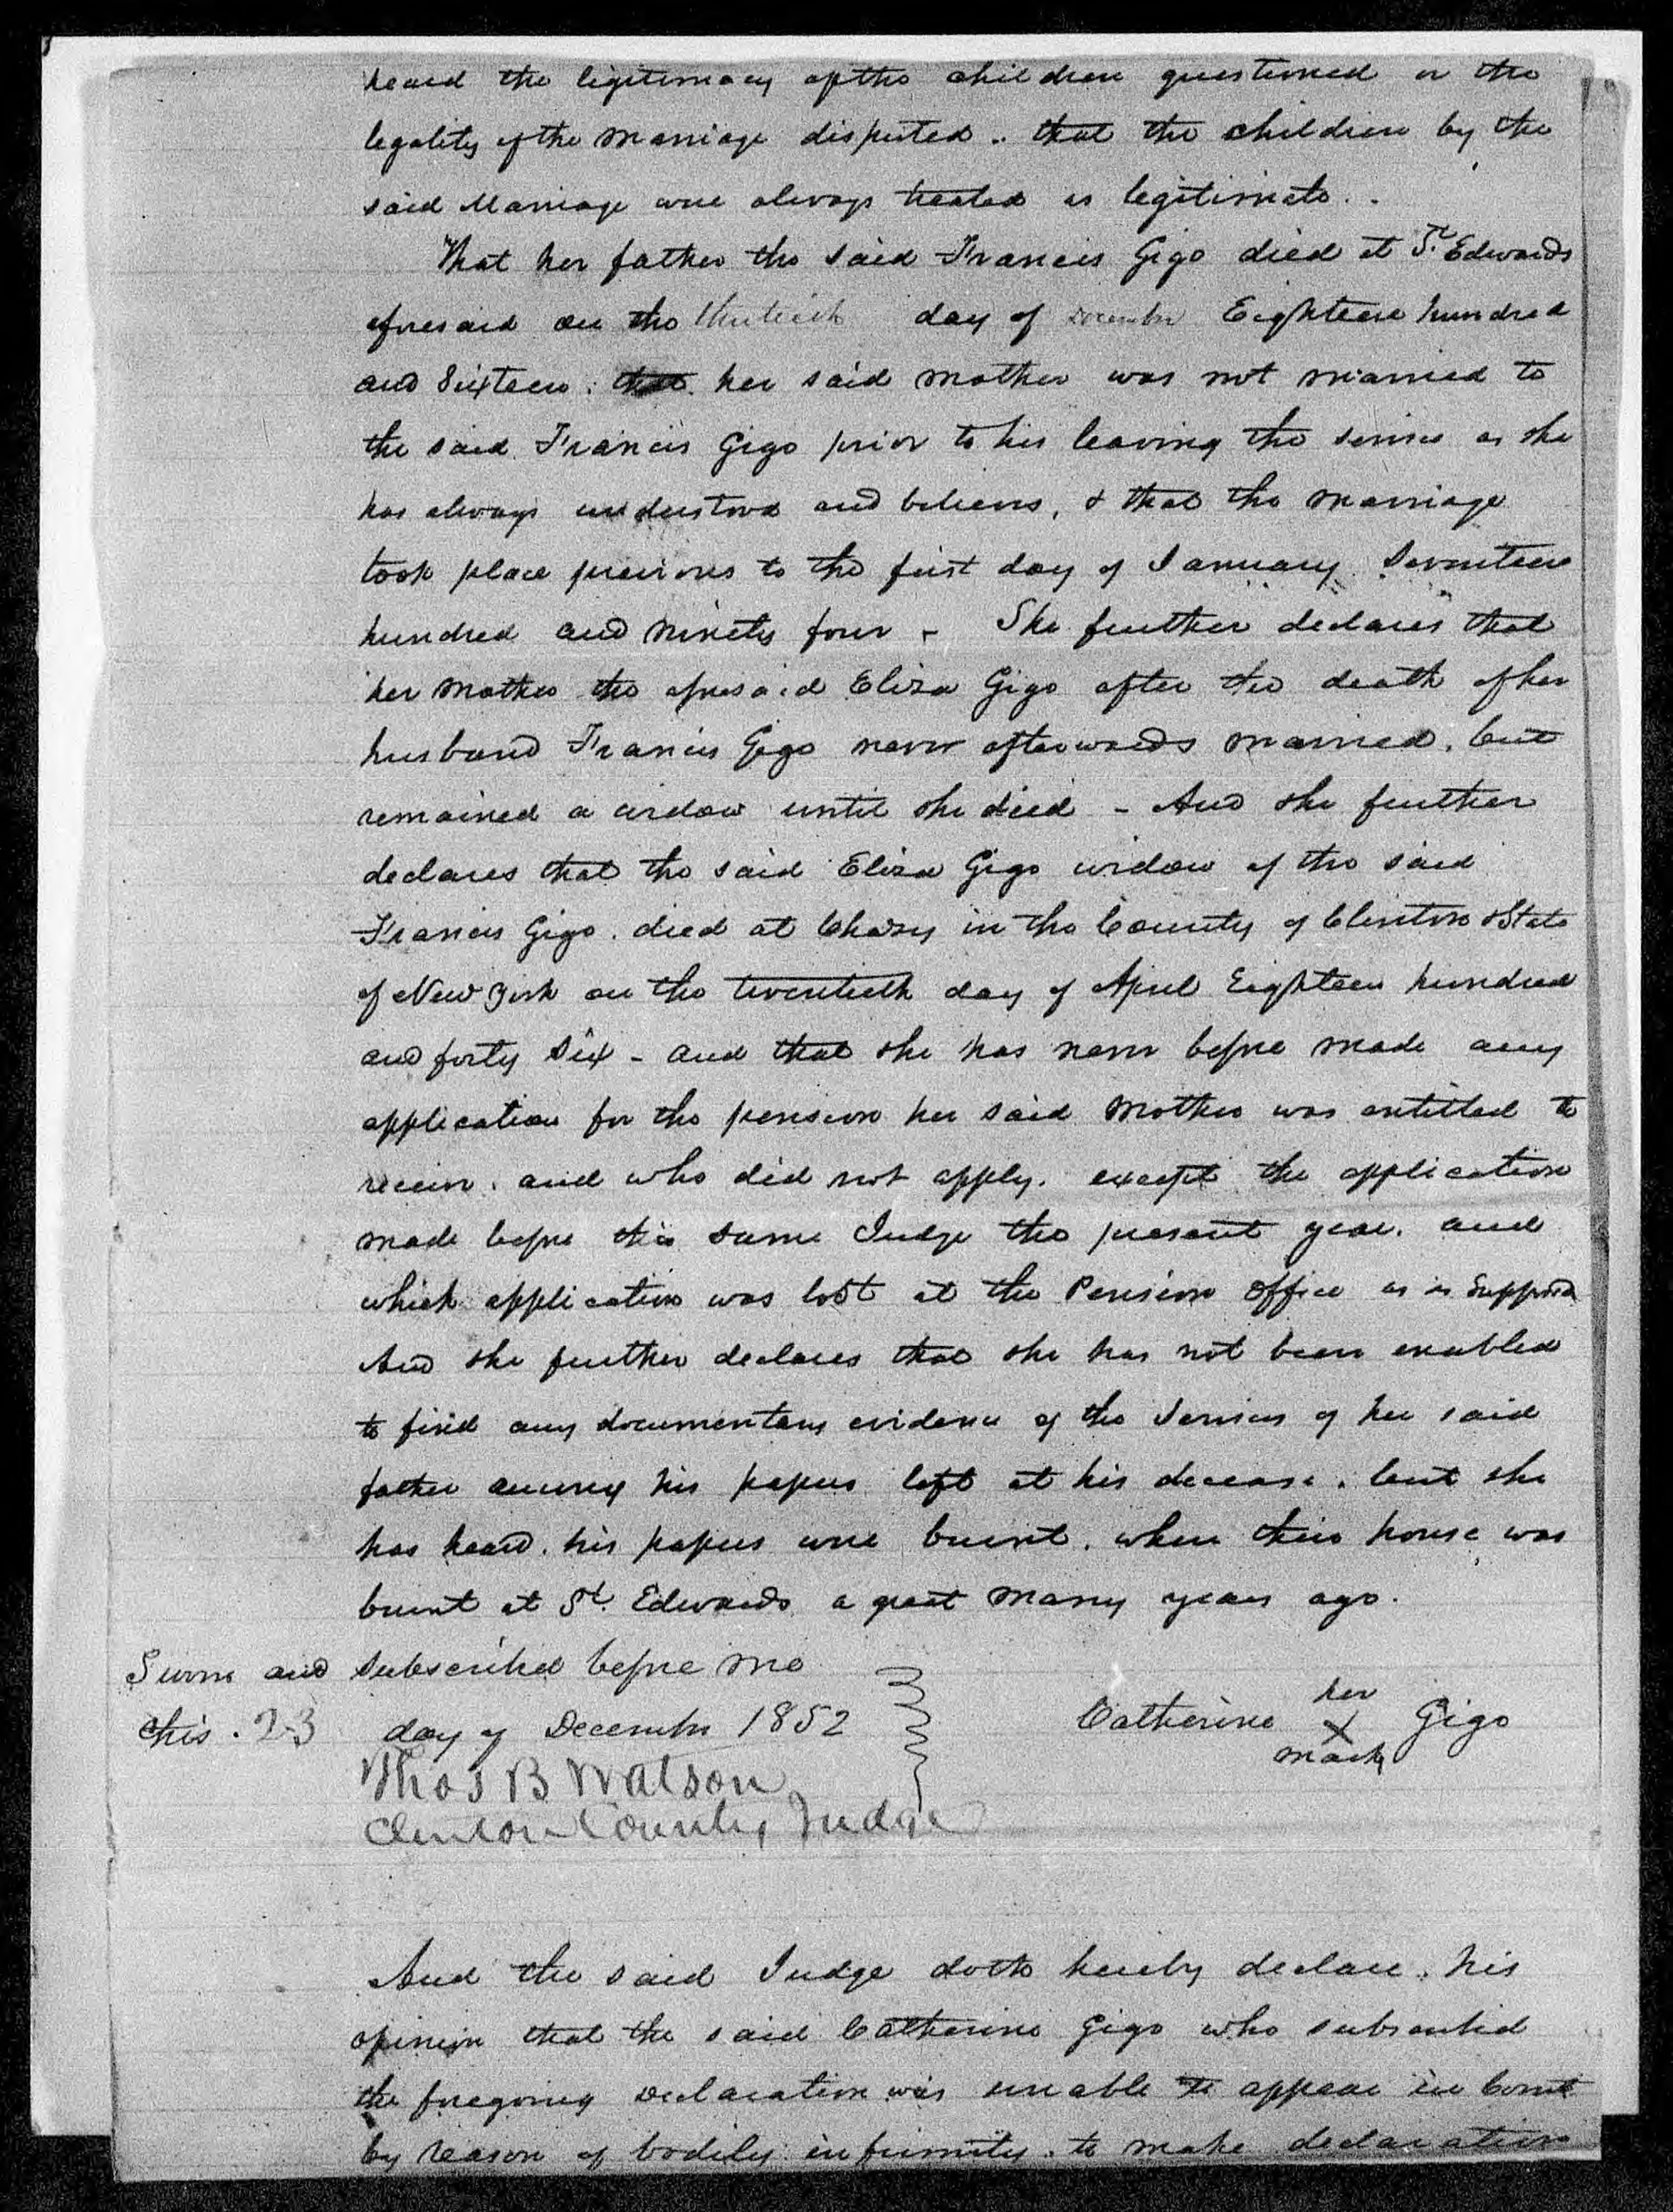heard the legitimacy of the children questioned or the legality of the marriage disputed .. that the children by the said marriage were always treated as legitimate.
That her father the said Francis Gigo died at St. Edwards aforesaid on the thirtieth day of December Eighteen hundred and Sixteen  her said mother was not married to the said Francis Gigo prior to his leaving the service as she has always understood and believes,& that the marriage took place previous to the first day of January Seventeen hundred and ninety four. 
She further declares that her mother the aforesaid Eliza Gigo after the death of her husband Francis Gigo never afterwards married, but remained a widow until she died.
And she further declares that the said Eliza Gigo widow of the said Francis Gigo died at Chasy in the County of Clinton & State of New York on the twentieth day of April Eighteen hundred and forty six - and that she has never before made any application for the pension her said mother was entitled to receive and who did not apply, except the application made before this same Judge the present year, and which application was lost at the Pension Offic as is supported.
And she further declares that she has not been able to find any documentary evidence of the service of her said father among his papers left at his decease, but she has heard his papers were burnt when his house was burnt at St. Edwards a great many years ago.
Catherine (x her mark) Gigo

Sworn and subscribed before me
this 23 day of December 1852
Thos B Watson
Clinton County Judge

And the said Judge doth hereby declare his  opinion that the said Catherine Gigo who subscribed the foregoing declaration was unable to appear in Court by reason of bodily infirmity to make declaration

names: Thos B Watson, Francis Gigo, Francis Gigo, Francis Gigo, Eliza Gigo, Catherine Gigo, Eliza Gigo, Francis Gigo, Catherine Gigo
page: 13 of 98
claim: widow's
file: W. 21182, Francis Gigo, Continental (Canadian)